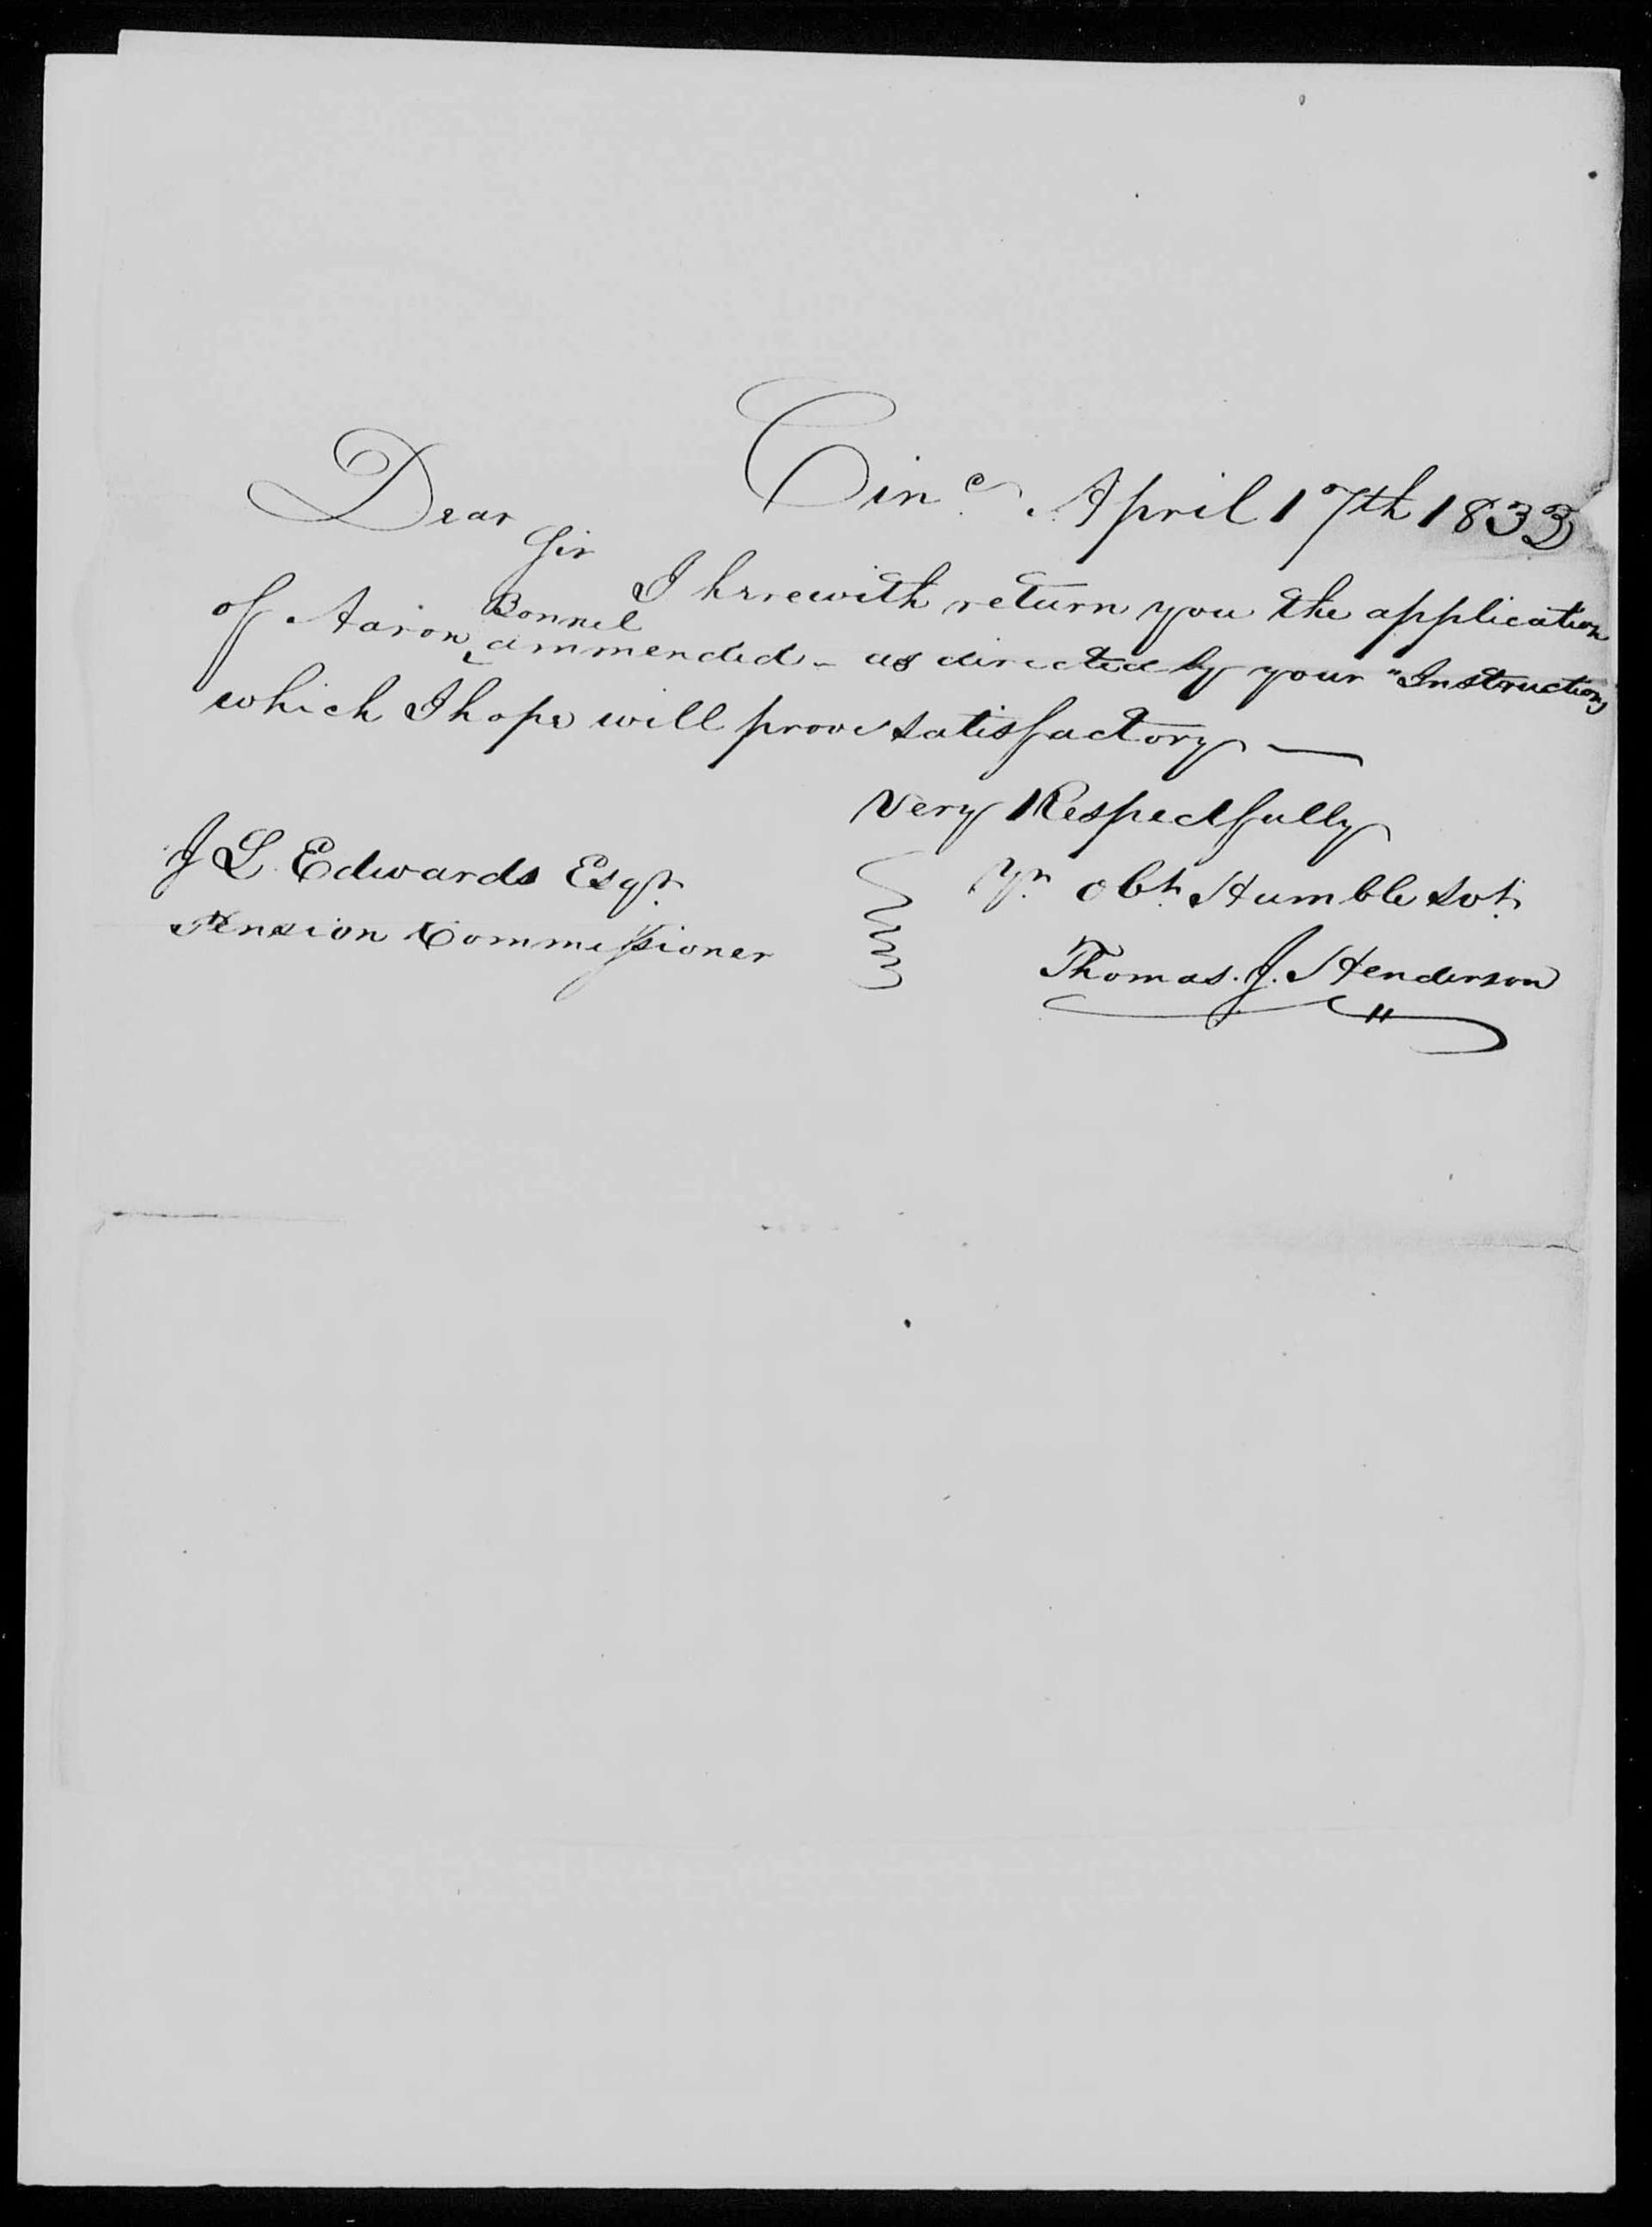Cinc.  April 17th 1833
Dear Sir
I herewith return you the application of Aaron Bonnel amended as directed by your instructions which I hope you will prove satisfactory.
Very Respectfully,
Yr obt Humble Svt
Thomas J. Henderson

J.L. Edwards Esq.
Pension Commissioner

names: J L Edwards, Thomas J Henderson, Aaron Bonnel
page: 28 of 67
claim: rejected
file: R. 1009, Aaron Bonnel, New Jersey